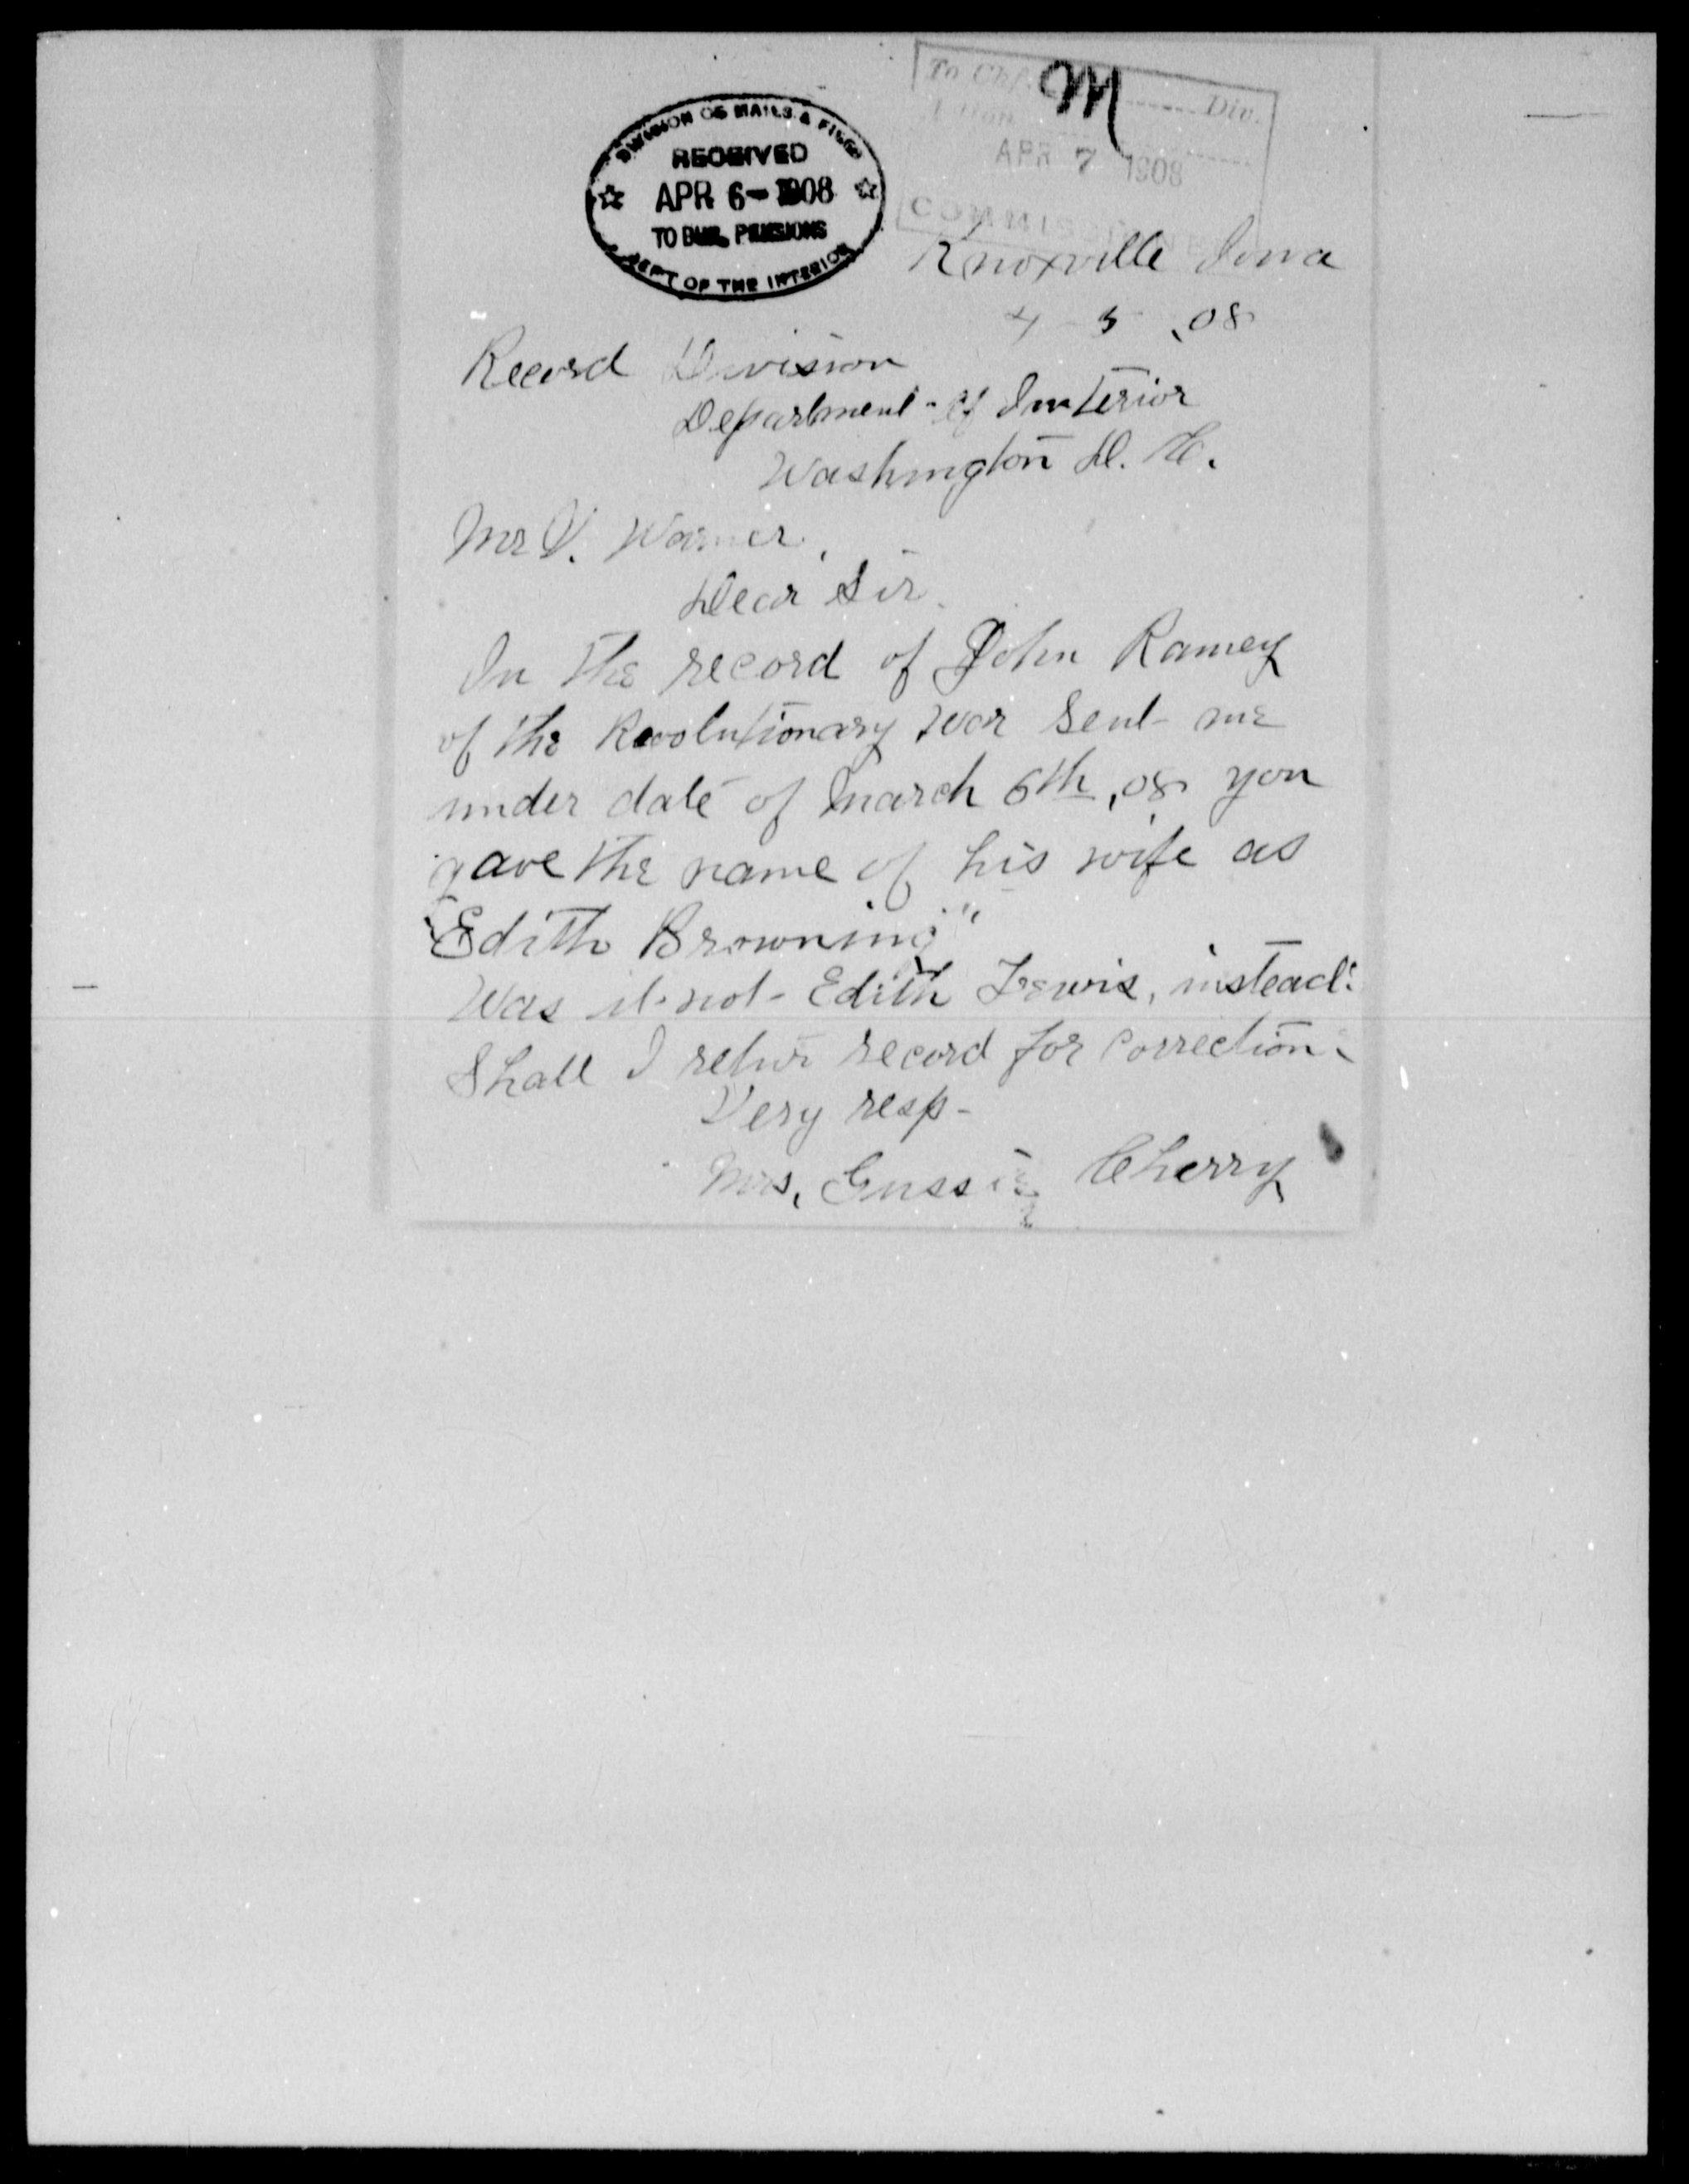To Chief M Div.
APR 7 1908
COMMISSIONER.
DIVISION OF MAILS & FILES
RECEIVED APR 6 - 1908
TO BUR. PENSIONS
DEPT OF THE INTERIOR.
Knoxville Iowa
4-5-08
Record Division
Department of Interior
Washington D. C.
Mr V. Warner,
Dear Sir
In the record of John Ramey of the Revolutionary War Sent me under date of March 6th, 08 you gave the name of his wife as "Edith Browning"
Was it not Edith Lewis, instead? Shall I return record for correction?
Very resp-
Mrs. Gussie Cherry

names: Gussie Cherry; John Ramey; Edith Browning; Edith Lewis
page: 66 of 84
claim: widow's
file: W.11104, for John Remay, Virginia